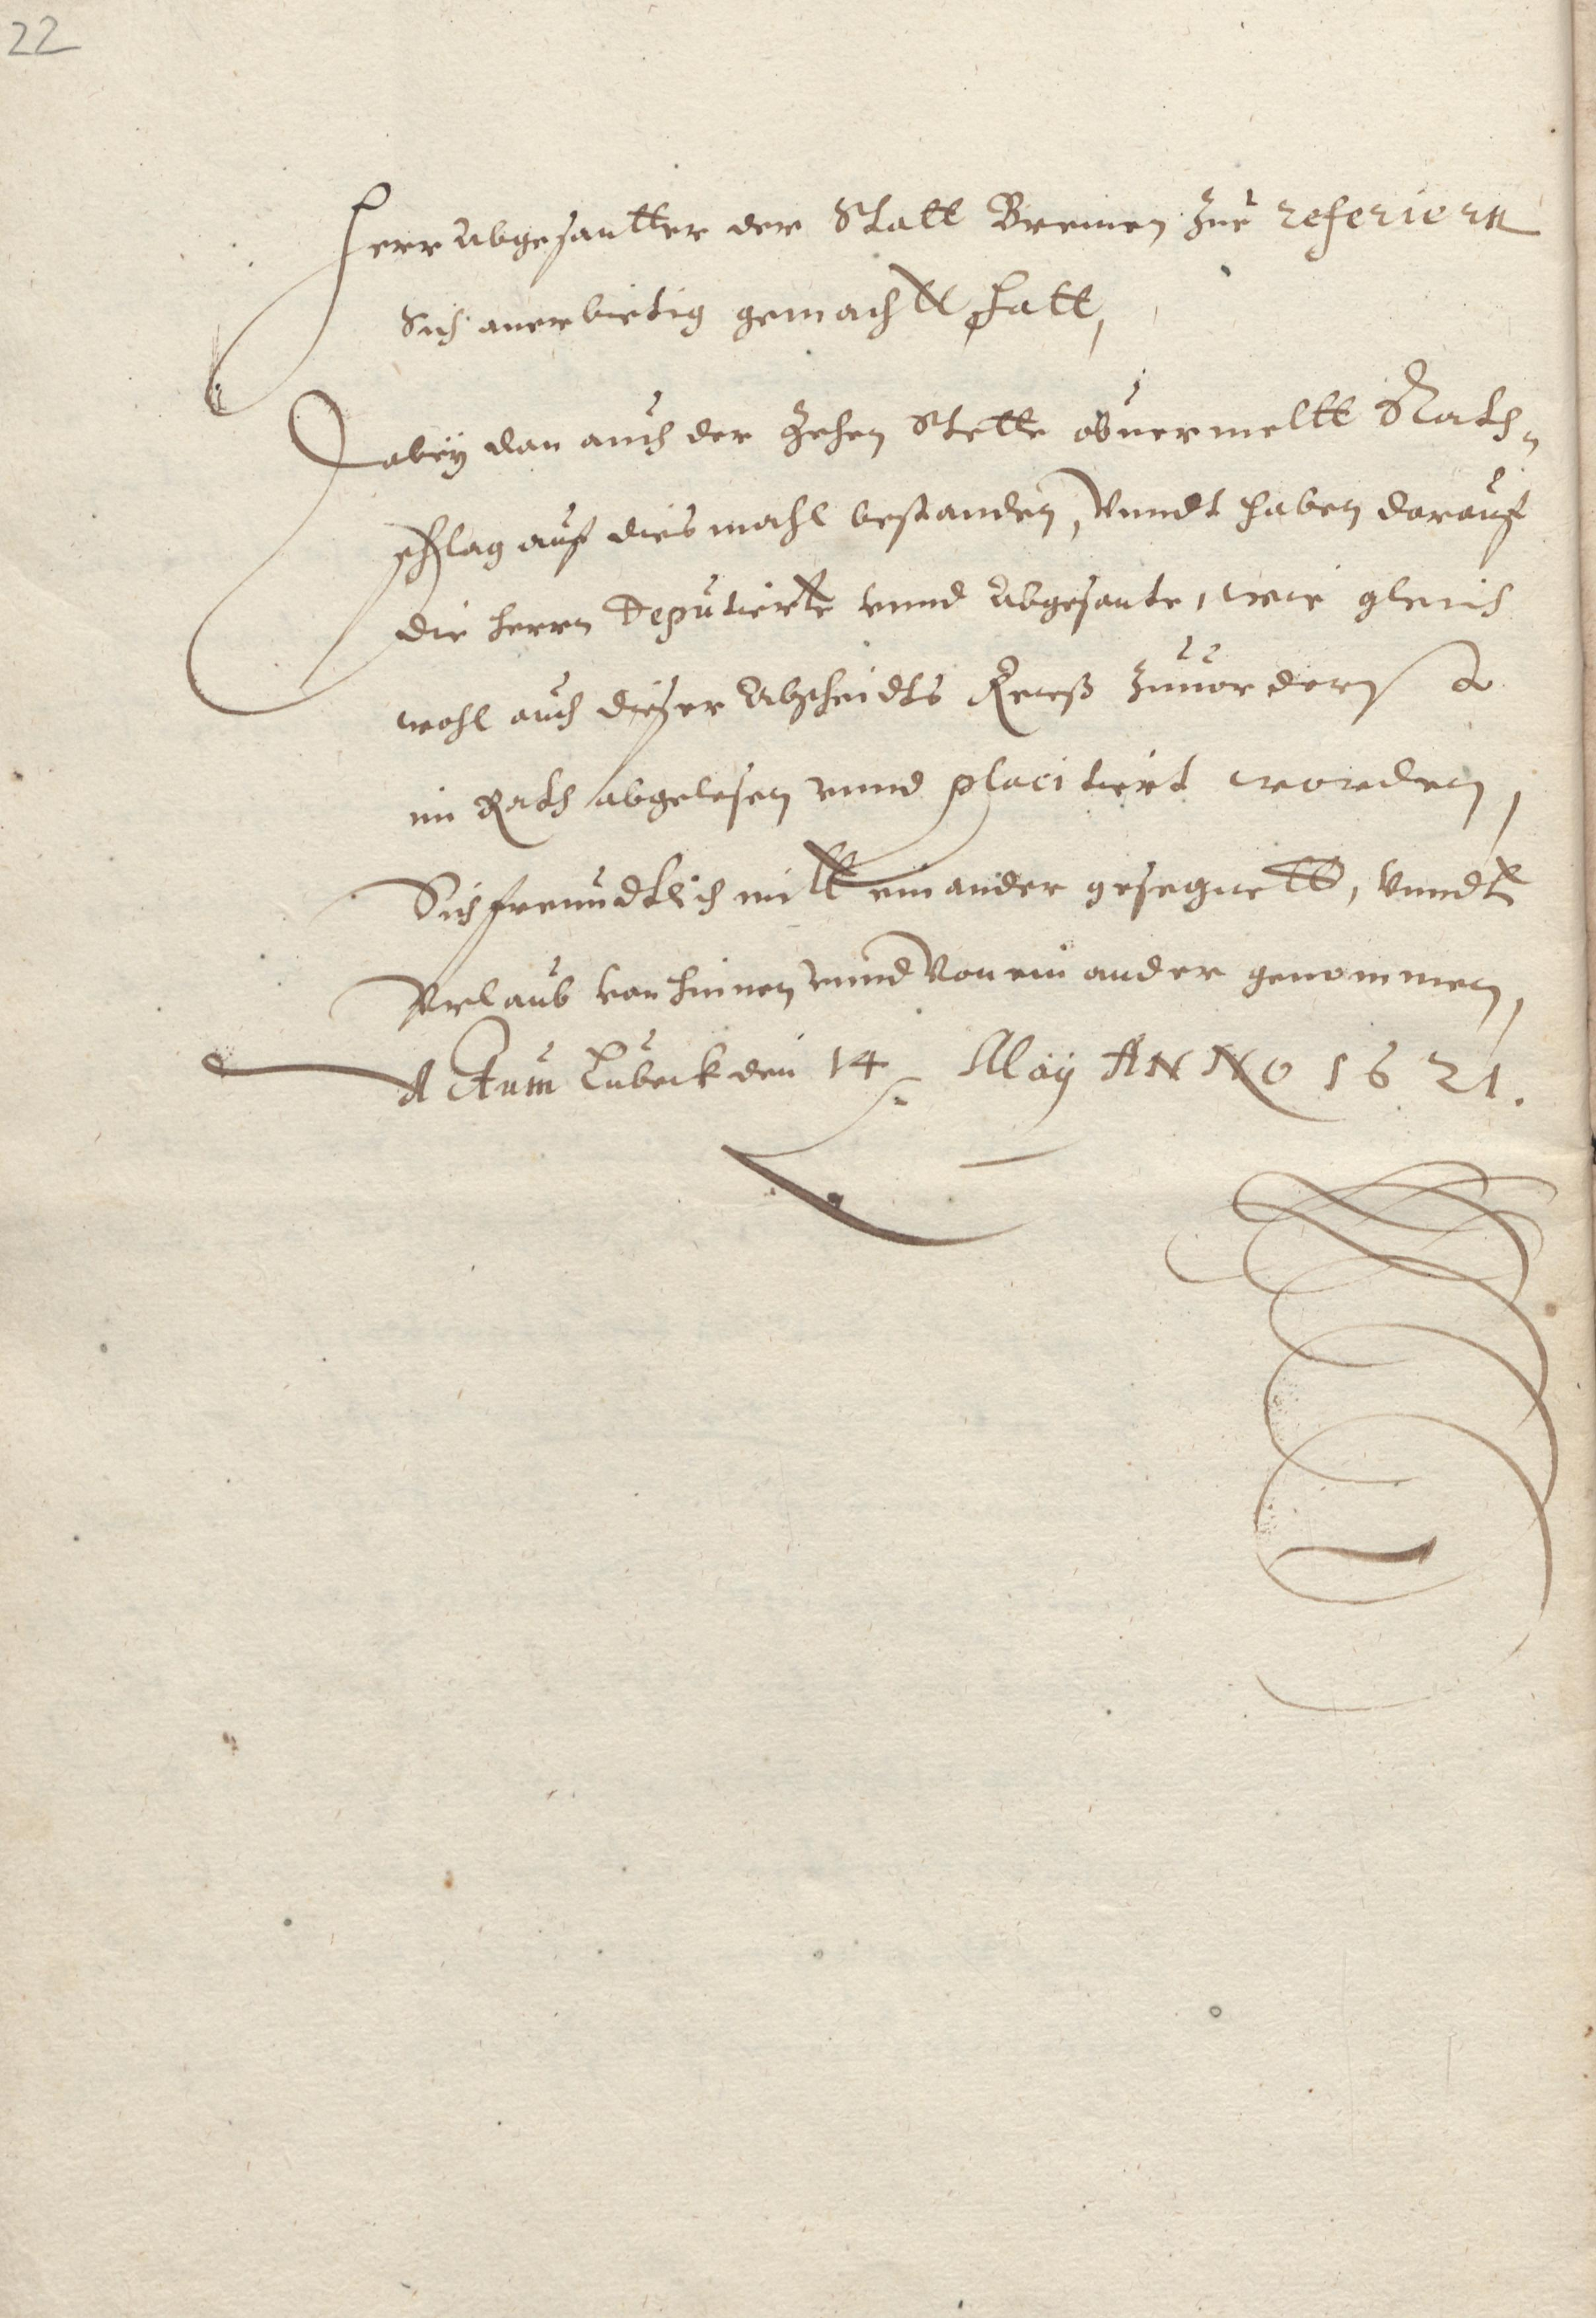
herr Abgesantter der Statt Bremen zue referiern
Sich anerbietig gemachtt hatt,
Dabeij dan auch der zehen Stette obuermeltt Rath¬
schlag auf diesmahl bestanden, Vnndt haben darauf
die herrn Deputierte vnnd Abgesante, wie gleich
wohl auch dieser Abgesandts Receß zuuorderst
im Rath abgelesen vnnd placitiert worden,
Sich freundtlich mitt einander gesegnett, vnndt
Vrlaub von hinnen vnnd Von ein ander genommen,
Actum Lubeck den 14ten Maij ANNO 1621.
